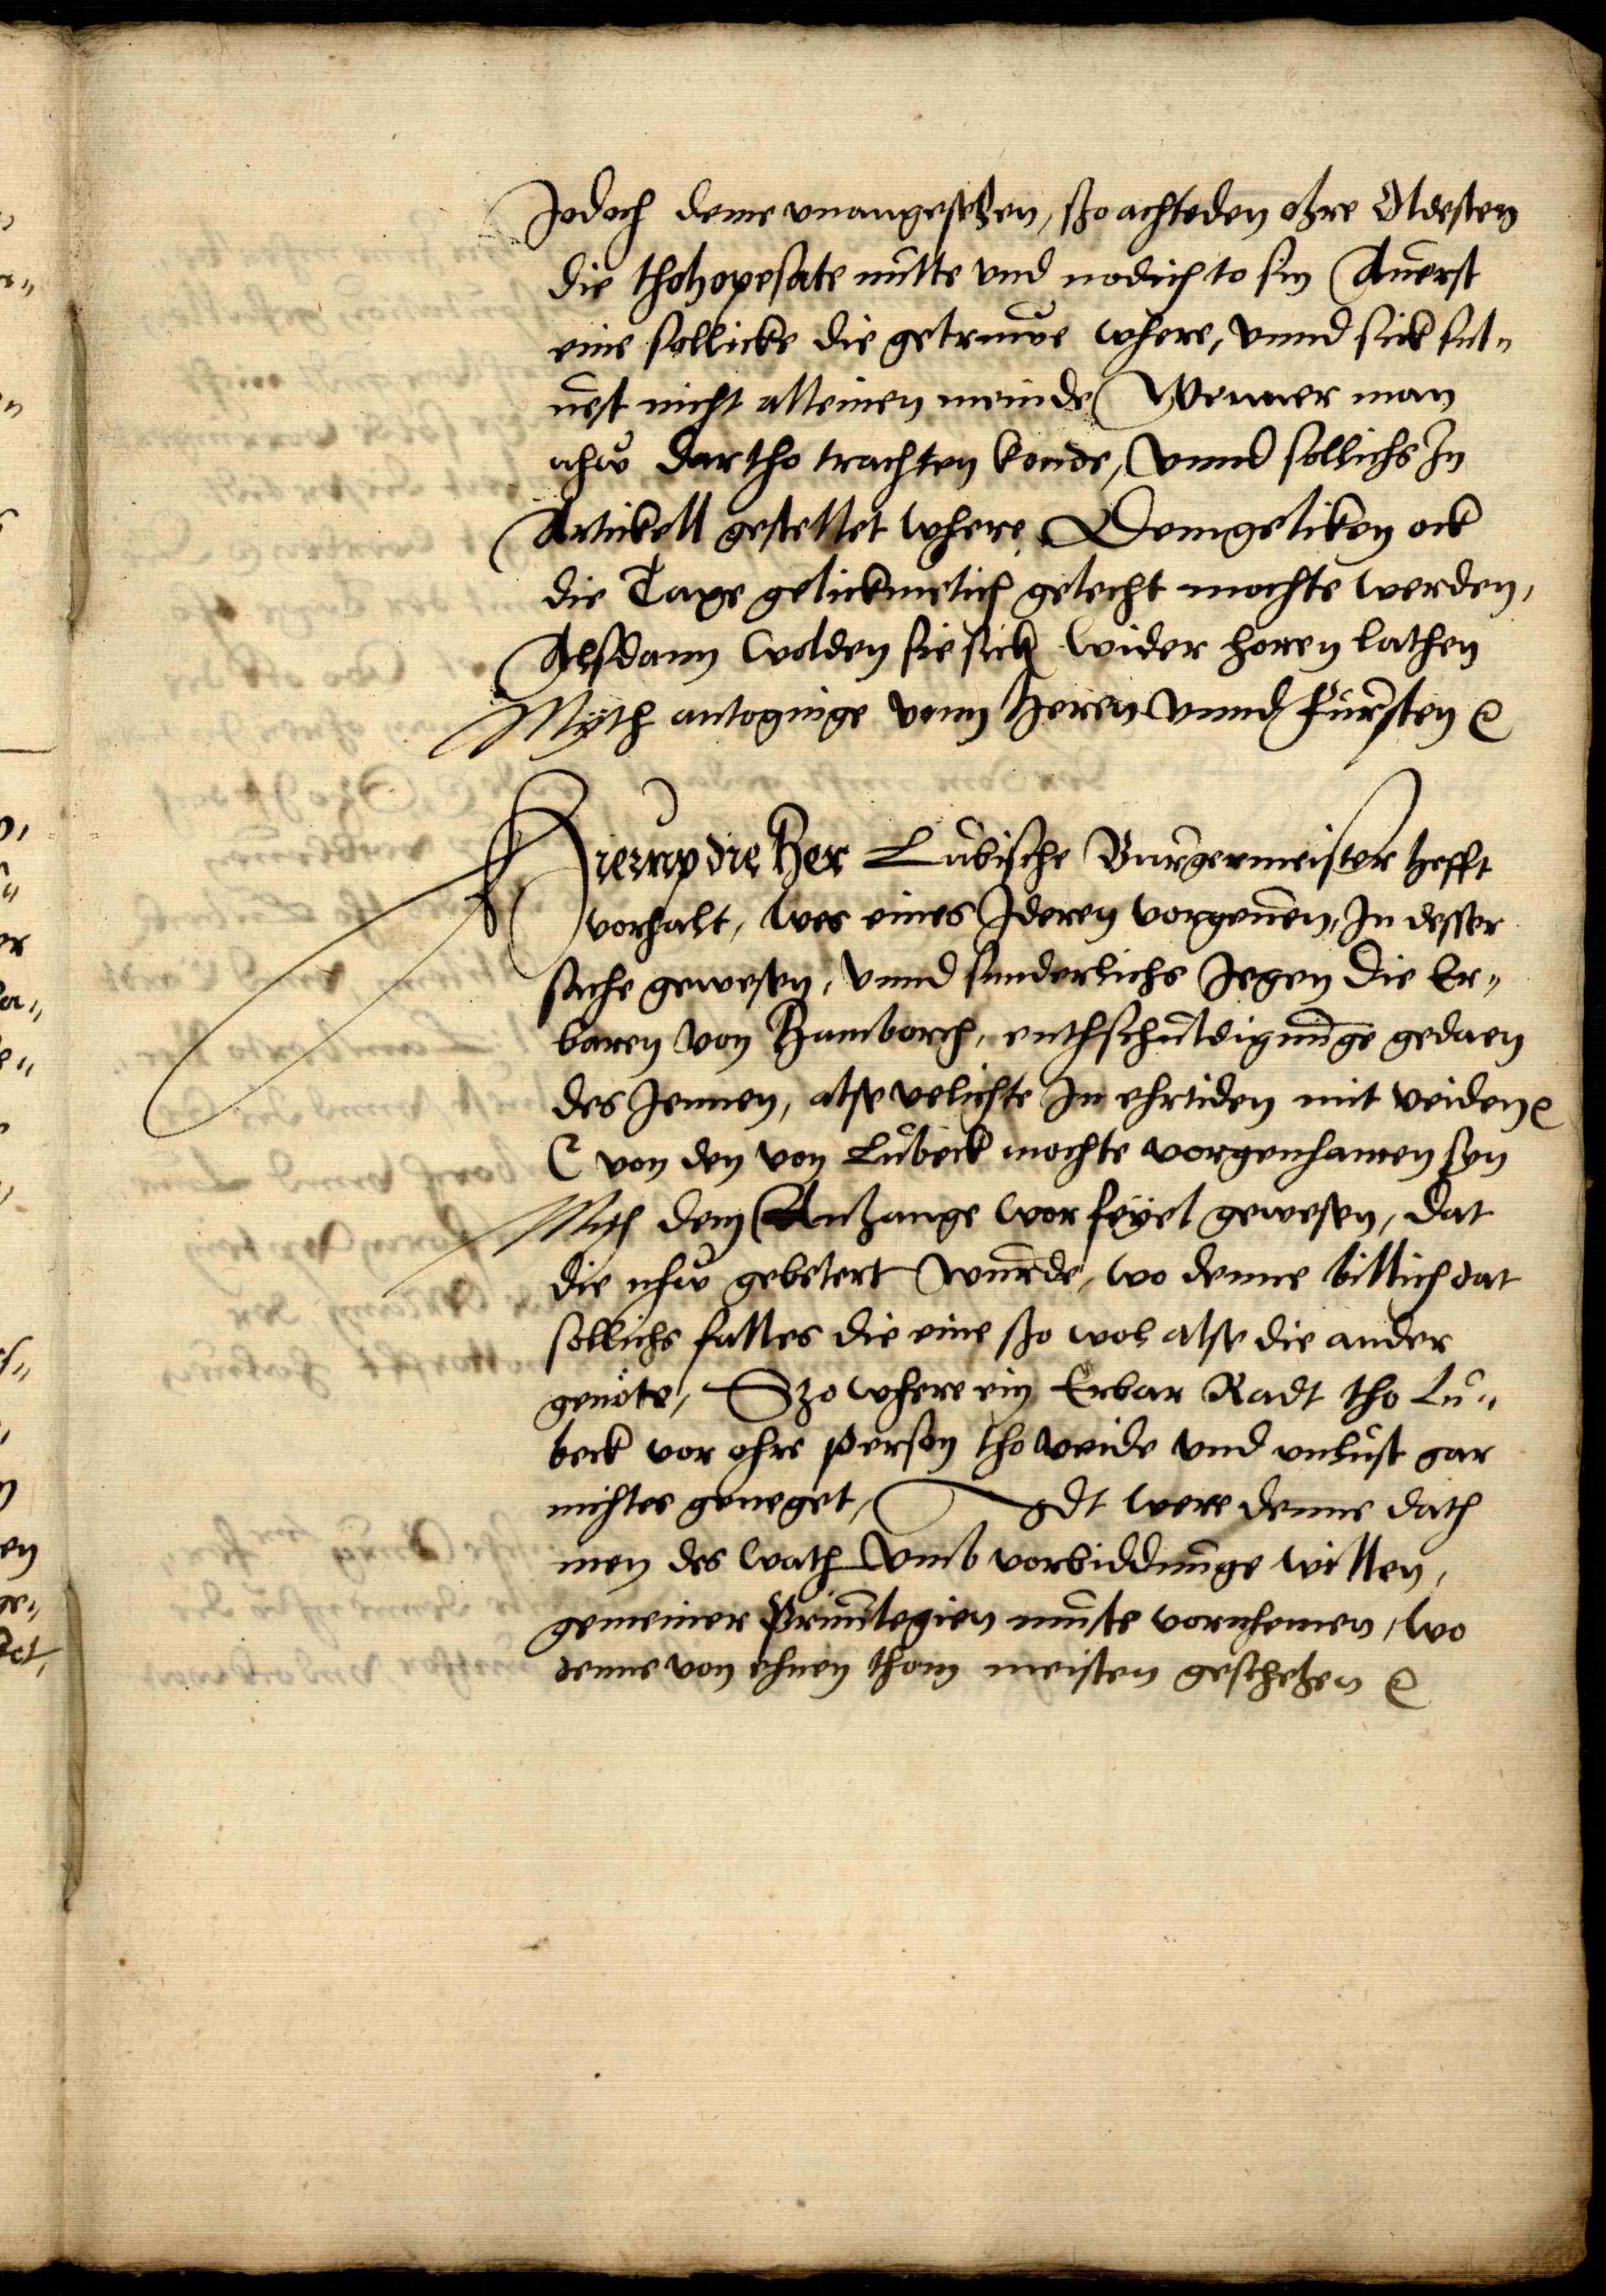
Iedoch deme vnangesehen, ßo achteden ohre Oldesten
die thohopesate nutte vnd nodich to sin Auerst
eine sollicke die getruwe where, vnnd sick sul¬
uest nicht alleinen meinde Wenner man
nhw dartho trachten konde, vnnd sollichs In
Artickell gesettet where, Demgelicken ock
die Taxe gelickmetich gelecht mochte werden,
alsdann wolden sie sick wider horen lathen
Mijth antoginge vonn heren vnnd Fursten etc
Hierup die Her Lubische Burgermeister hefft
vorhalt, wes eines Ideren vorgeuen, In desser
sache gewesen, vnnd sunderlichs Iegen die Er¬
baren von Hamborch, enthschuldigunge gedaen
des Iennen, alse velichte In ehrtiden mit veiden etc
C von den von Lubeck mochte vorgenhamen syn
Mith dem Anhange wor feijet gewesen, dat
die nhw gebetert wurde, wo denne billich dat
sollichs falles die eine ßo wol alse die ander
genöte, Szo where ein Erbar Radt tho Lu¬
beck vor ohre person tho veide vnd vnlust gar
nichtes geneget, Idt were denne dath
men des wath vmb vorbiddunge willen,
gemeiner Priuilegien muste vornhemen, wo
denne von ehnen thom meisten geschehen etc
